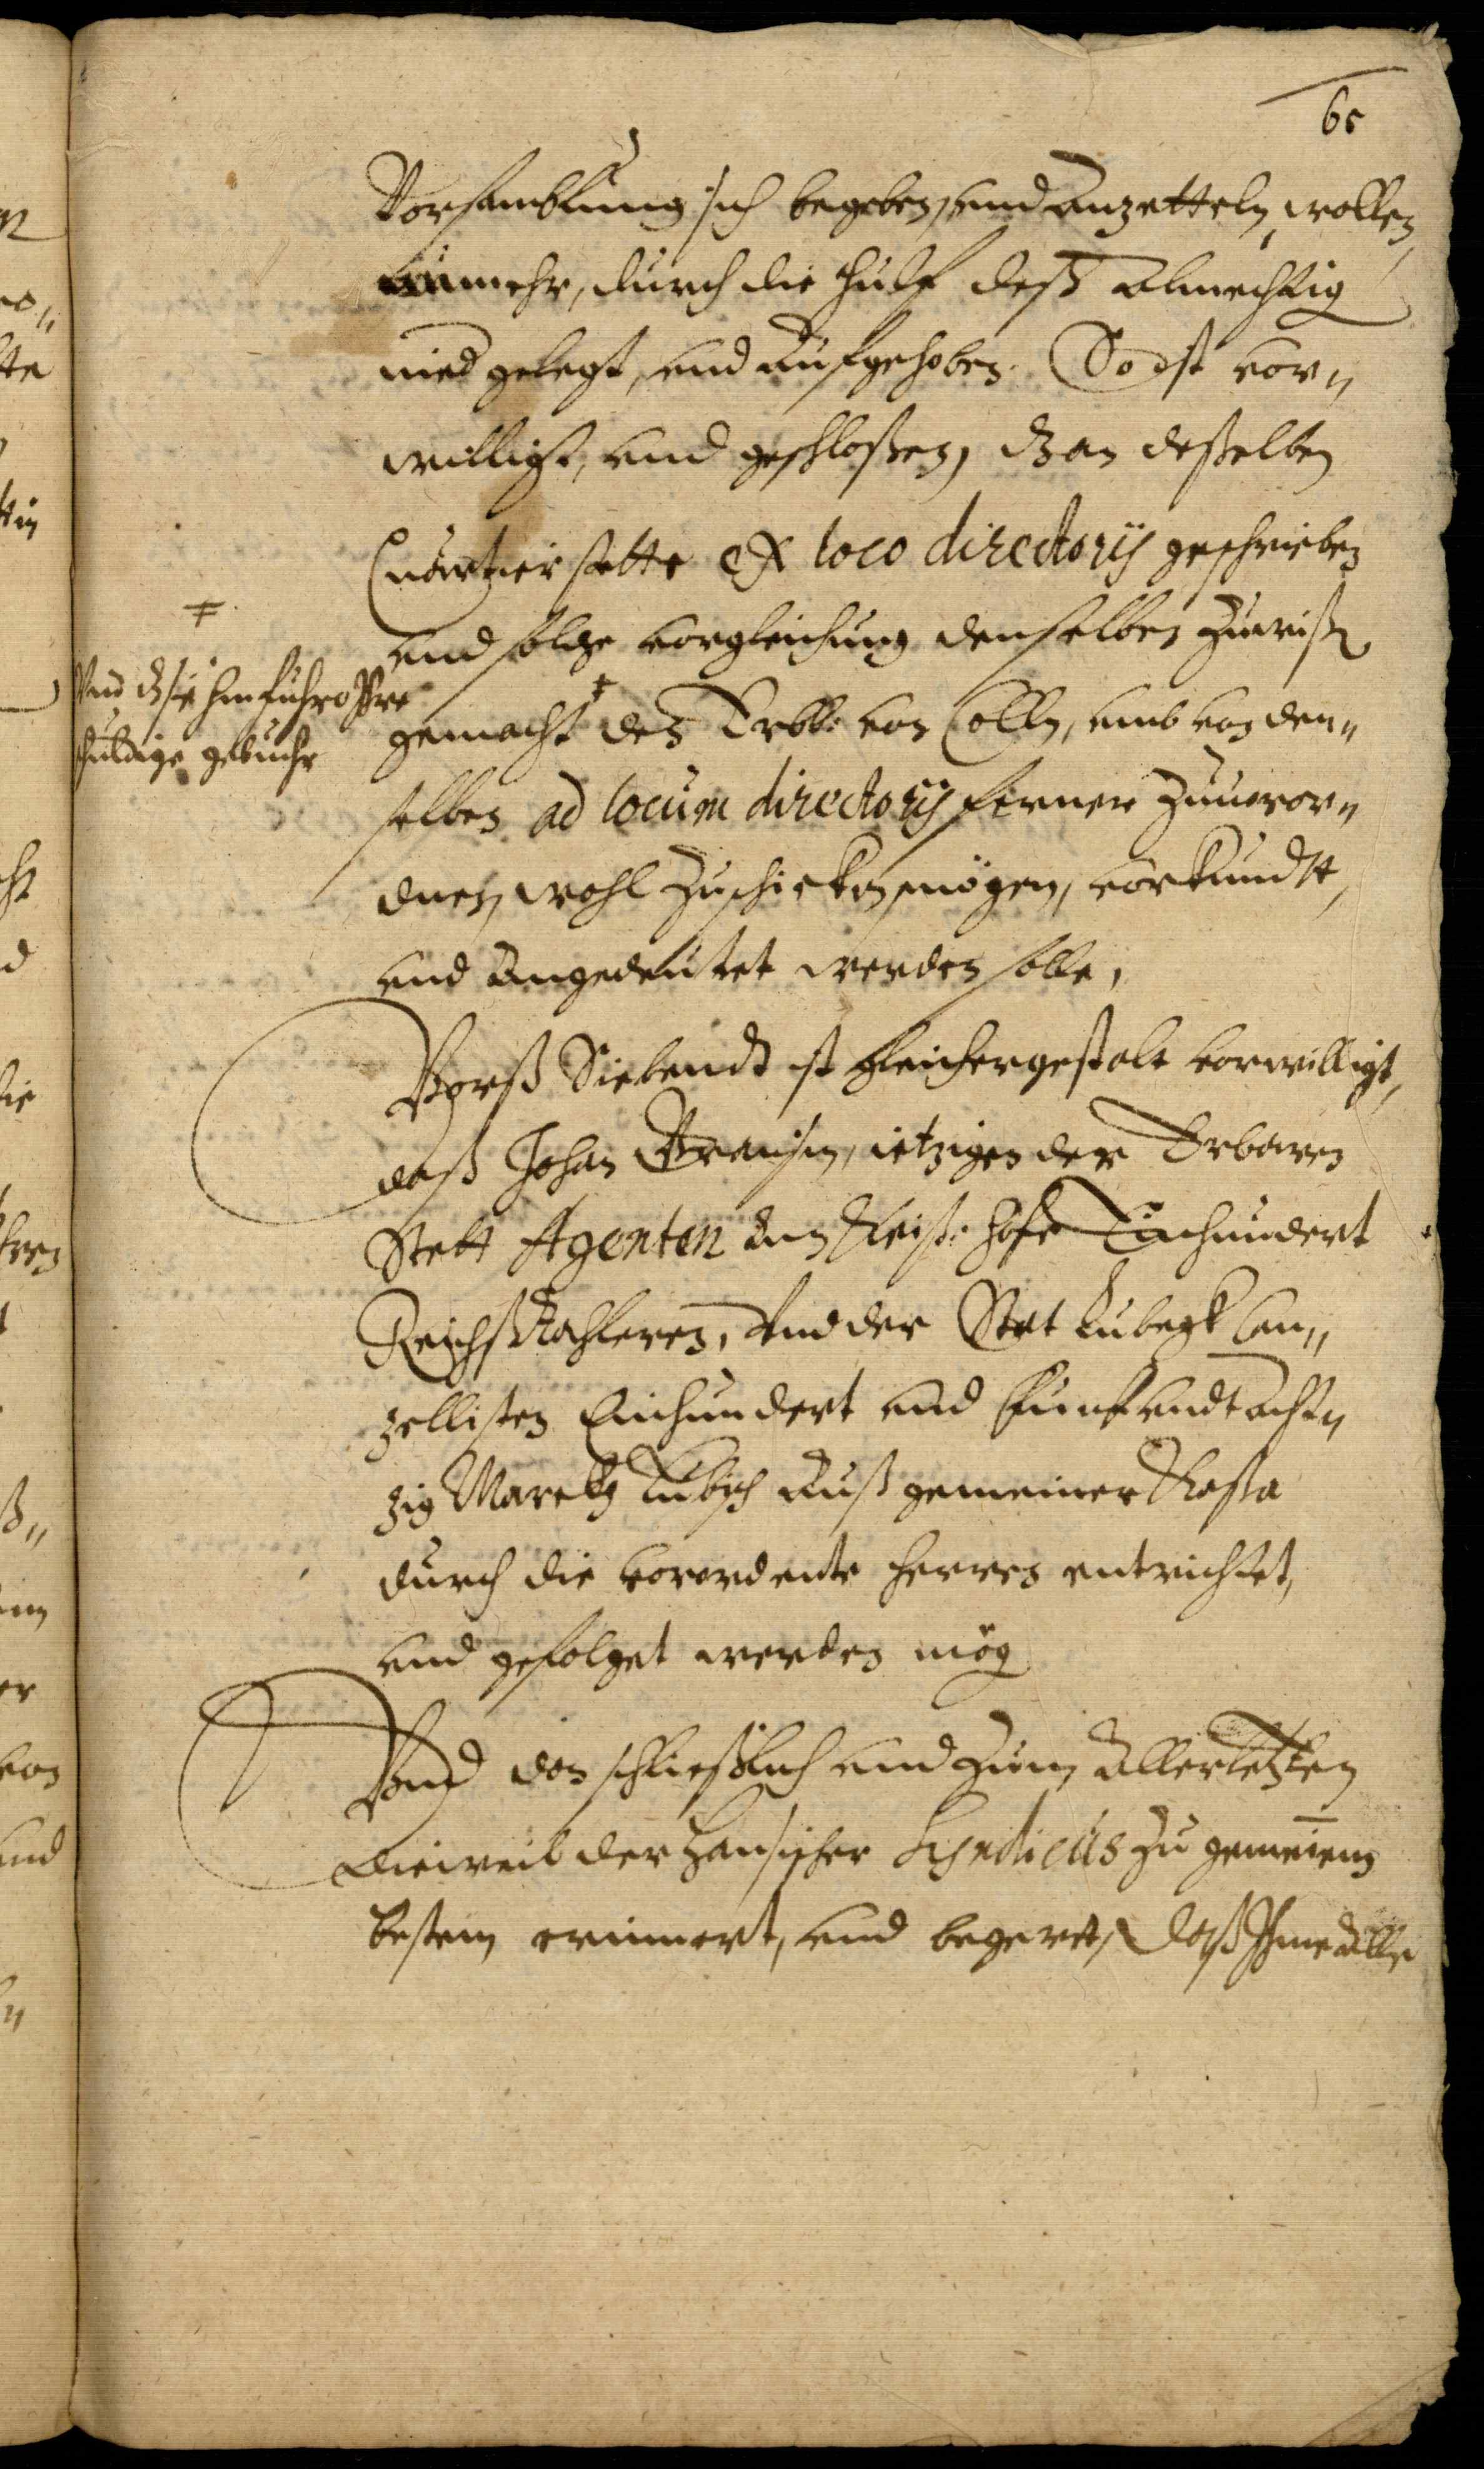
65
Vorsamblung sich begeben, vnd Anzetteln, wollen
nunmehr, durch die hulf deß Almechtigen
nieder gelegt, vnd aufgehoben. So ist vor¬
willigt, vnd geschloßen, das an deßelben
Quartier stette ex loco directorij geschrieben
vnd solche vorgleichung denselben zuwißen
gemacht F den Erbb: von Colln, vmb von den¬
selben ad locum directorij ferner zuueror¬
dnen, wohl zuschicken mögen, vorkundtt,
vnd angedeutet werden solle.
F
Vnd das sie hinfuhro Ihre
schuldige gebuhr
Vorß Siebendt ist gleichergestalt vorwilligt,
daß Johan Gransin, itzigen der Erbaren
Stett Agenten Am Keis: hofe Einhundert
Reichß Tahleren, Vnd der Stat Lubegk Can¬
zellisten Einhundert vnd funf vndt Acht¬
zig Marckg Lubisch Auß gemeiner Kaßa
durch die vorordente herren entrichtett,
vnd gefolget werden mögen
Vnd dan schließlich vnd zum Allerletzten
dieweil der Hansische Syndicus zu gemeinem
besten erinnert, vnd begeret, Daß Ihme Alle
